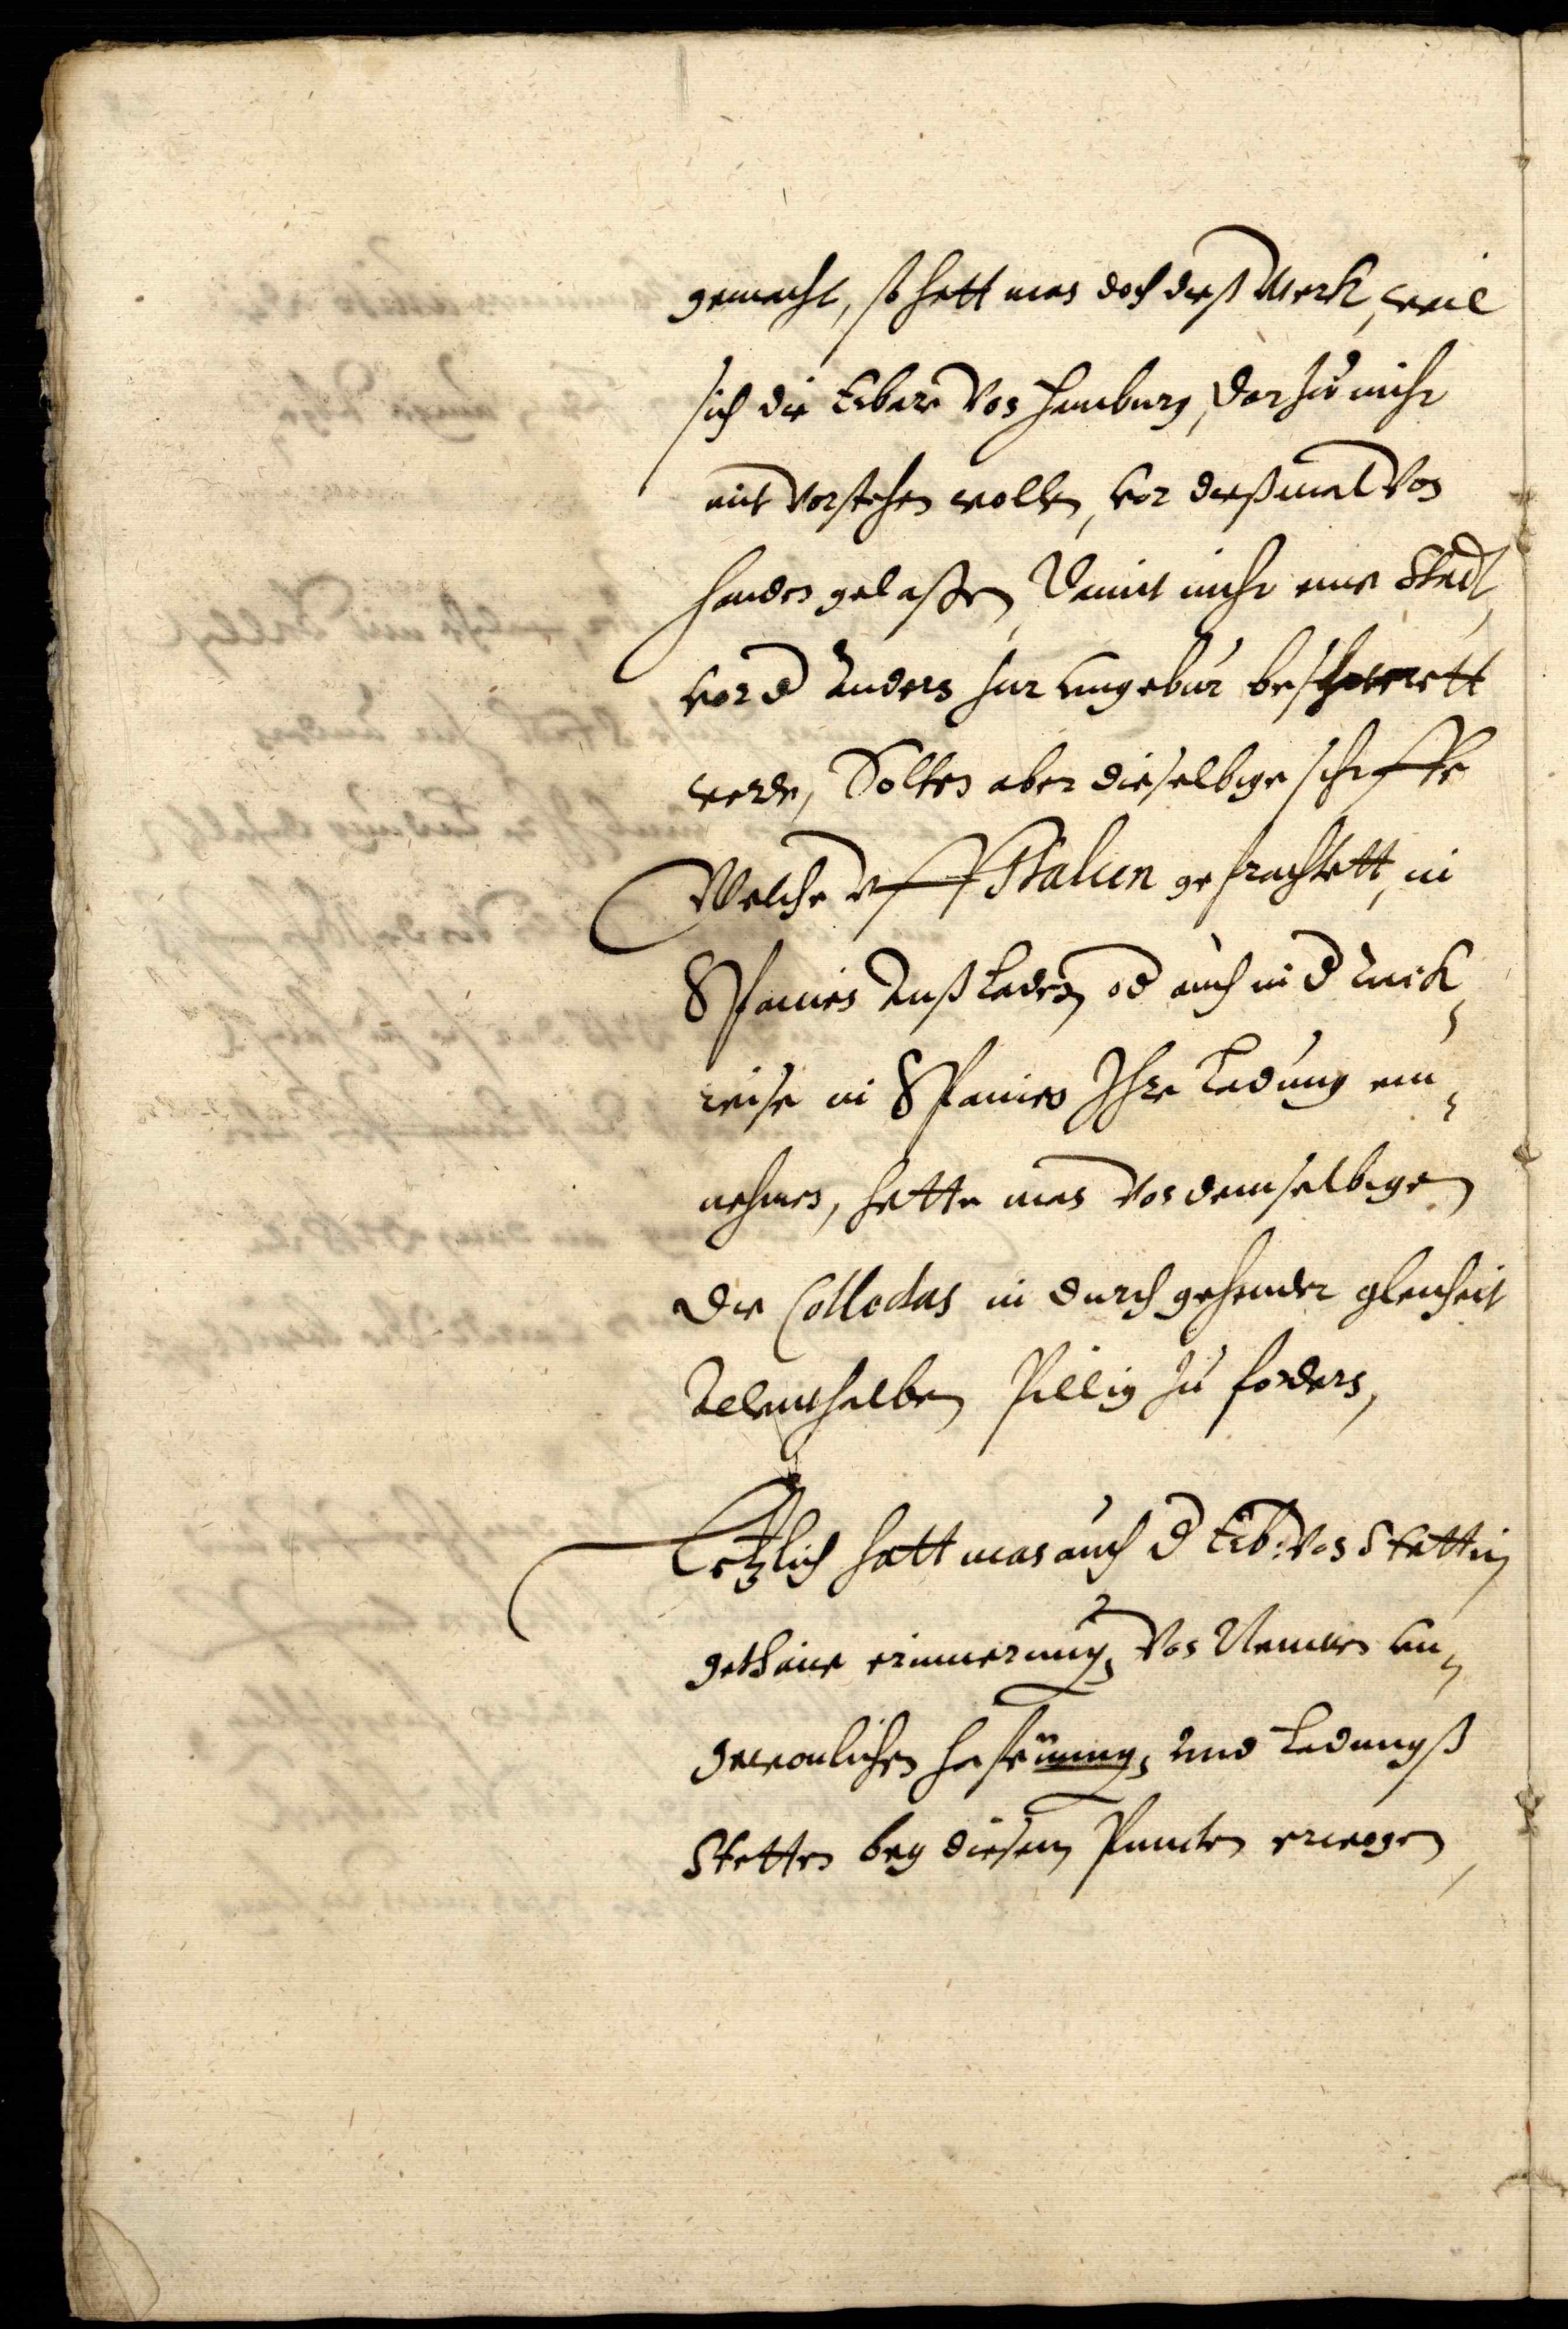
gemacht, so hatt man doch dieß werck, weil
sich die Erbare von Hamburg, darfur nicht
mit vorstehen wollen, von dießmal von
handen gelaßen, Damit nicht eine Stadt
von der Andern zur vngebur besch???ett
werde, Sollen aber dieselbige schiffe
Welche vff Italien gefrachtett, in
Spanien Außladen oder auch in der ruck¬
reise in Spanien Ihre Ladung ein¬
nehmen, hette man von dem selbigen
die Collectas in durchgehender gleicheit
Allenthalben pillig zu fordern,
Letztlich hatt man auch der Erb: von Stettin
gethane erinnerung ? von N?????? vn¬
gewonlichen ??????? vnd Ladungß
Stetten beij diesen Puncten erwogen,
